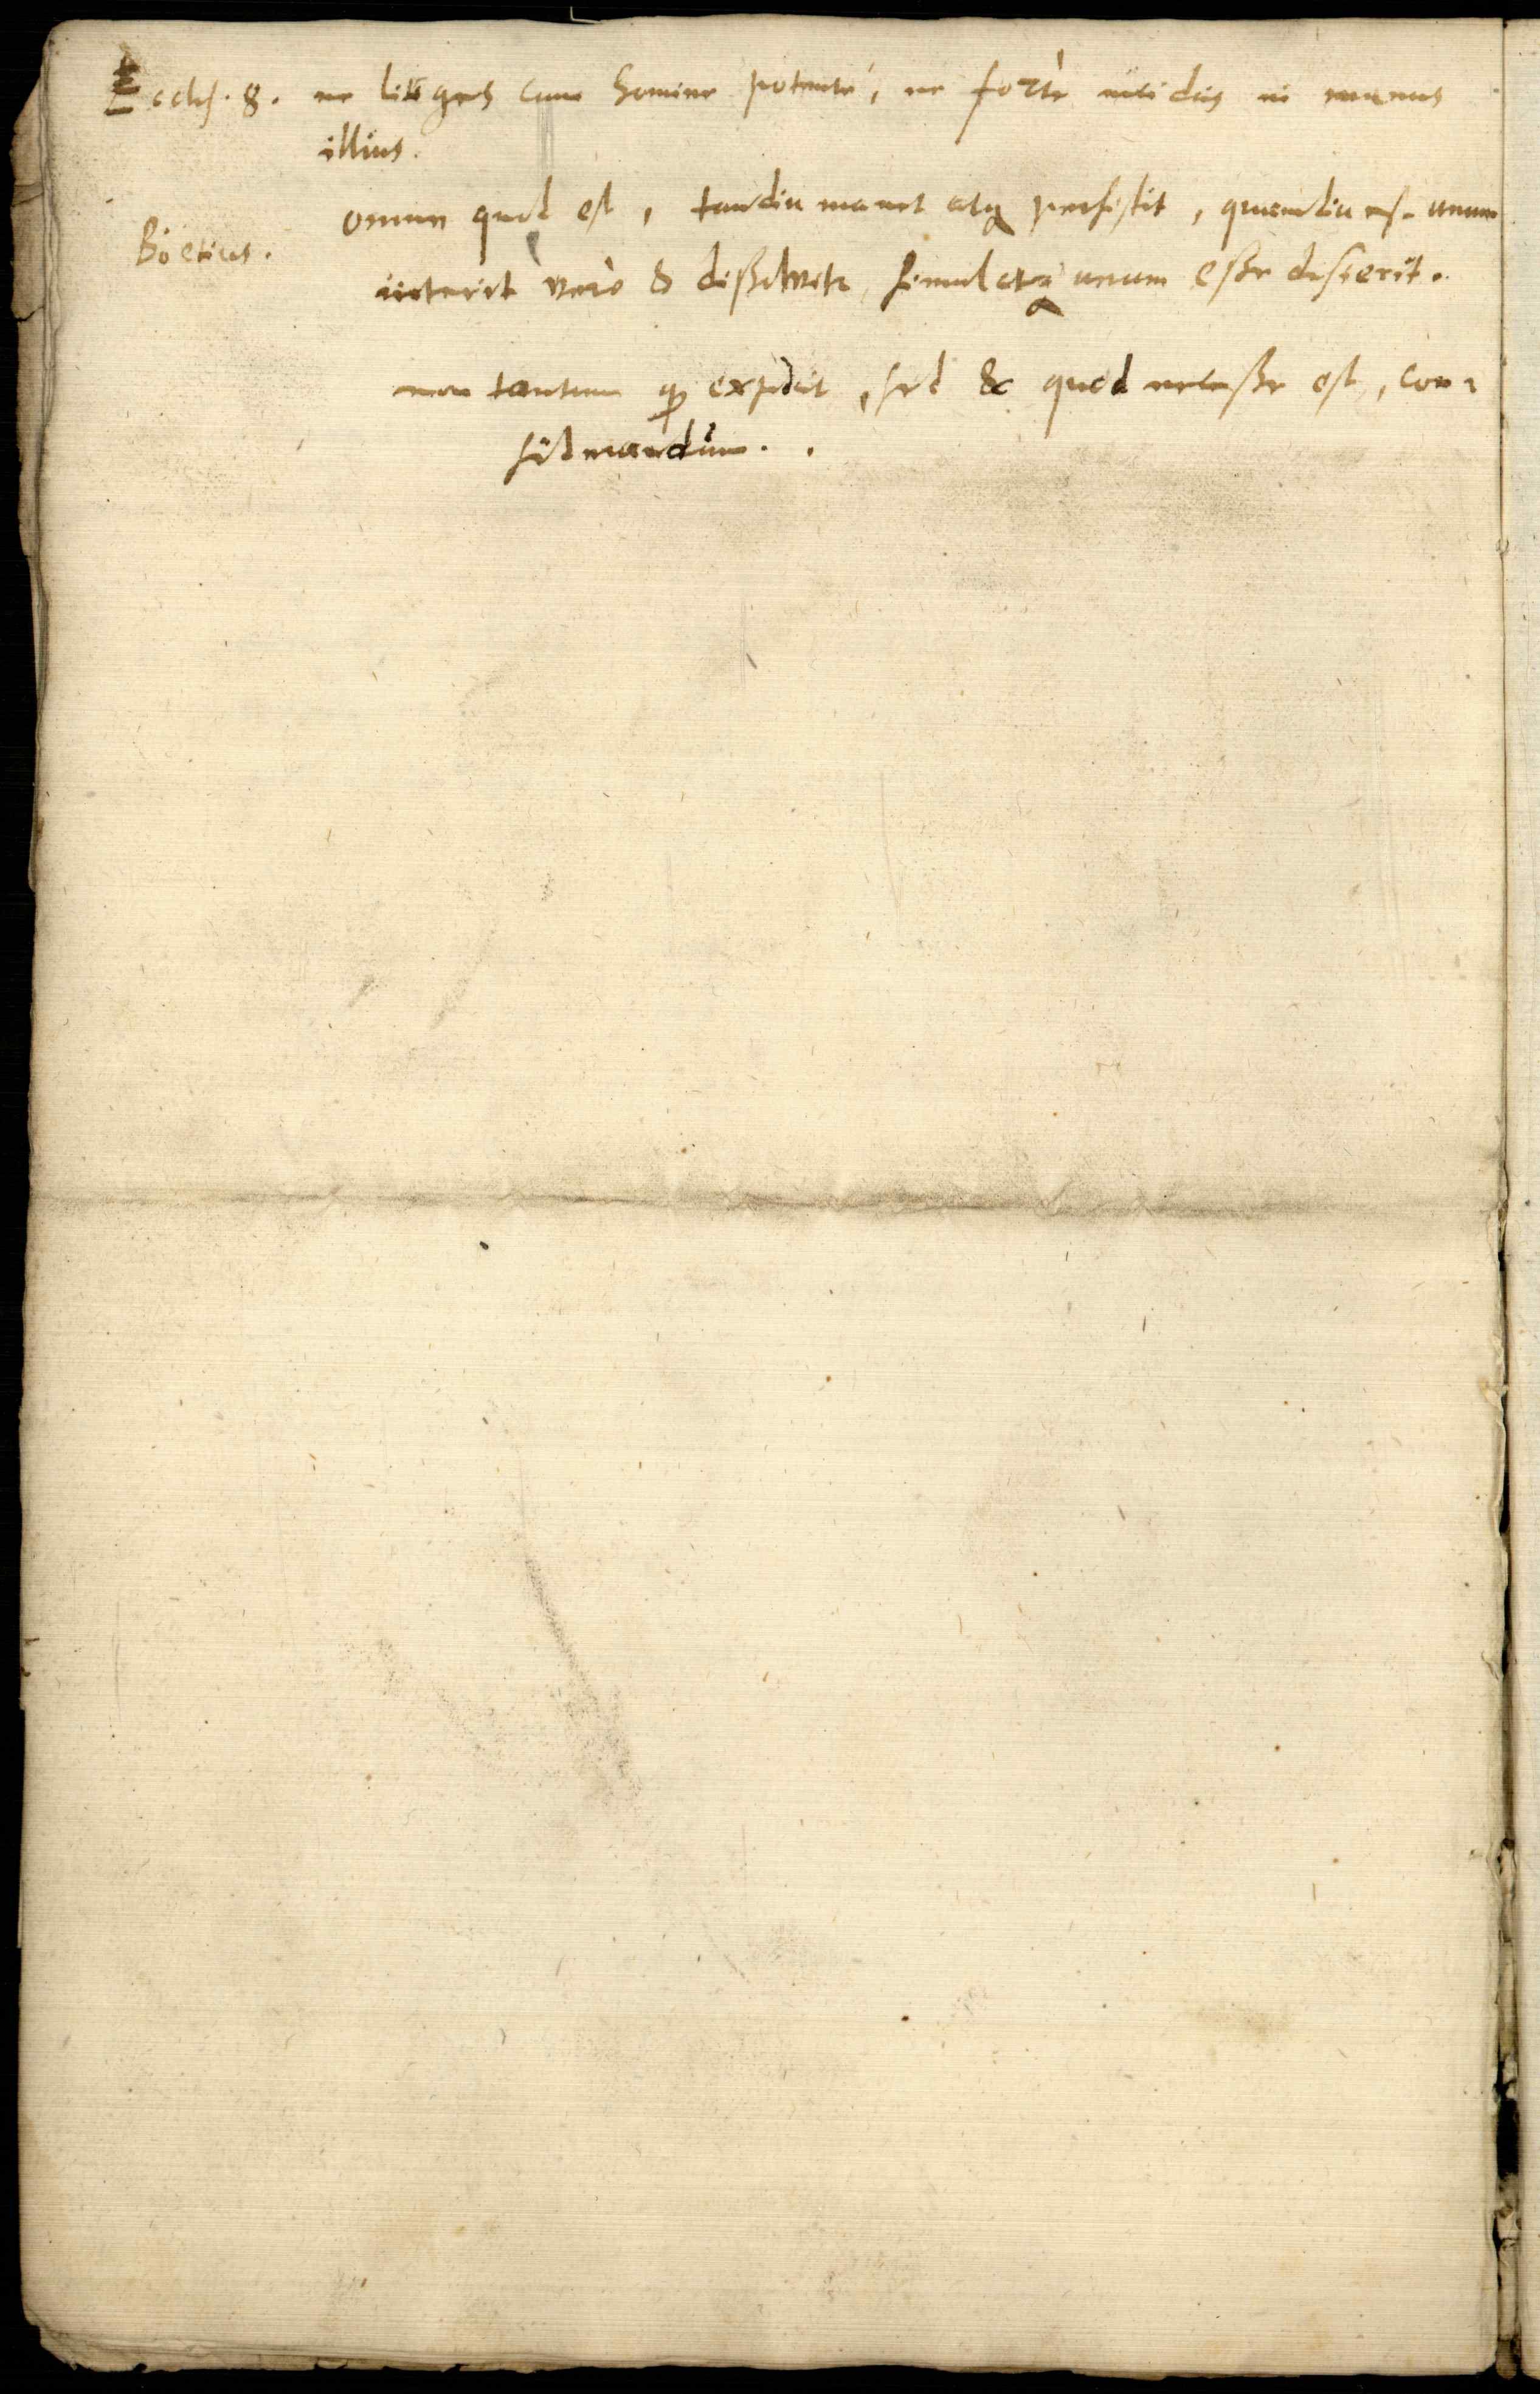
Eccls: 8.
Boetius.
ne lite gens cum homine, potente, ne forte nitidus in minens
illius.
omne quod est, tandiu manet atque perfestit, quentiu vse unum
interit vero & dißitecte, simil atque unum eße discerit.
nam tantum quod expedit, sit &. quod neceße est, con
sit martum.
